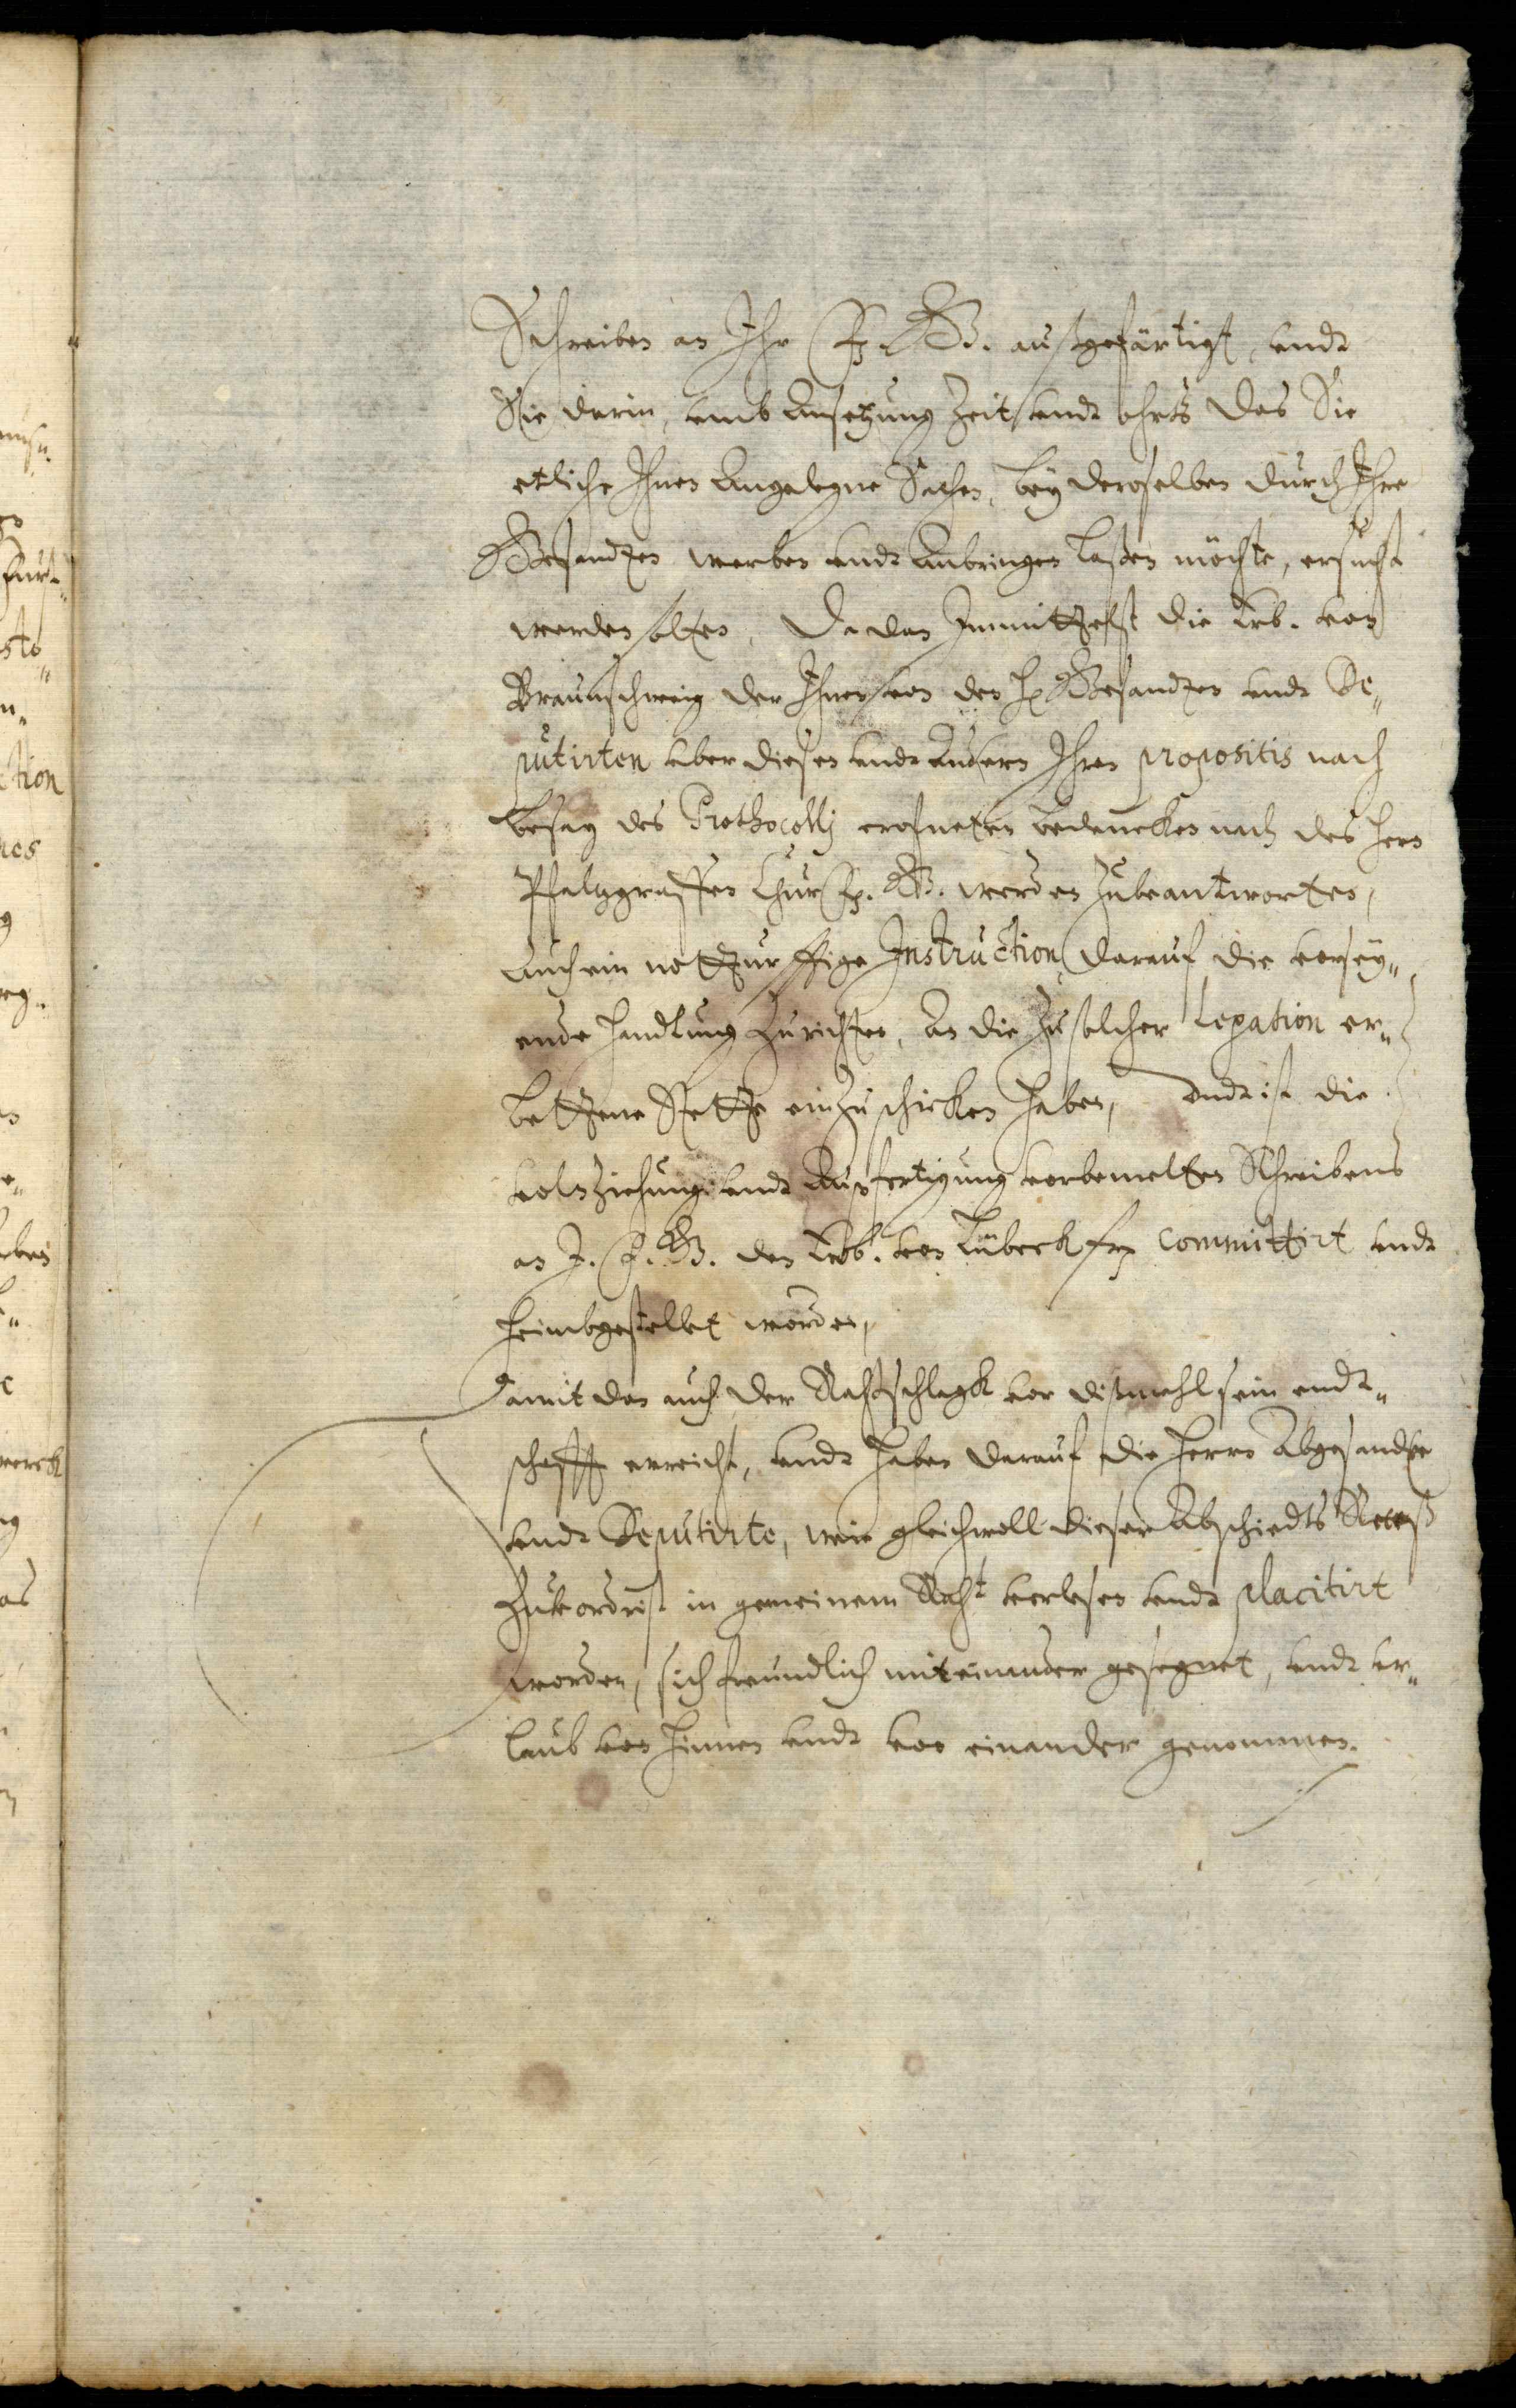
Schreiben an Ihr Fg. G. außgefärtigt, vndt
Sie darin, vmb Ansetzung zeit vndt ohrts das Sie
etliche Ihnen Angelegne Sachen, beij deroselben durch Ihre
Gesandten werben vndt Anbringen laßen möchte, ersucht
werden solten, da dan Immittelst die Erb. von
Braunschweig der Ihnen von den Hl. Gesandten vndt De¬
putirten vber diesen vndt andern Ihren propositis nach
besag des Prothocollj erofneten bedencken nach des hern
Pfaltzgruffen Chur Fg. G. werden zubeantworten,
Auch ein notturfftige Instruction darauf die vorseij¬
ende handlung zurichten, An die zu solcher Legation er¬
bettene Stette einzuschicken haben, Vndt ist die
volnziehung vndt Außfertigung vorbemelten Schreibens
an I. F. G. den Erb. von Lübeck frg Committirt vndt
heimbgestellet worden,
Damit dan auch der Rahtschlagk vor dißmahl sein endt¬
schafft erreicht, vndt haben darauf die Herrn Abgesandten
vndt Deputirte, wie gleichwoll dieser Abschiedts Receß
zuvordrist in gemeinem Raht verlesen vndt placitirt
worden, sich freundlich miteinander gesegnet, vndt vr¬
laub von hinnen vndt von einander genommen.
